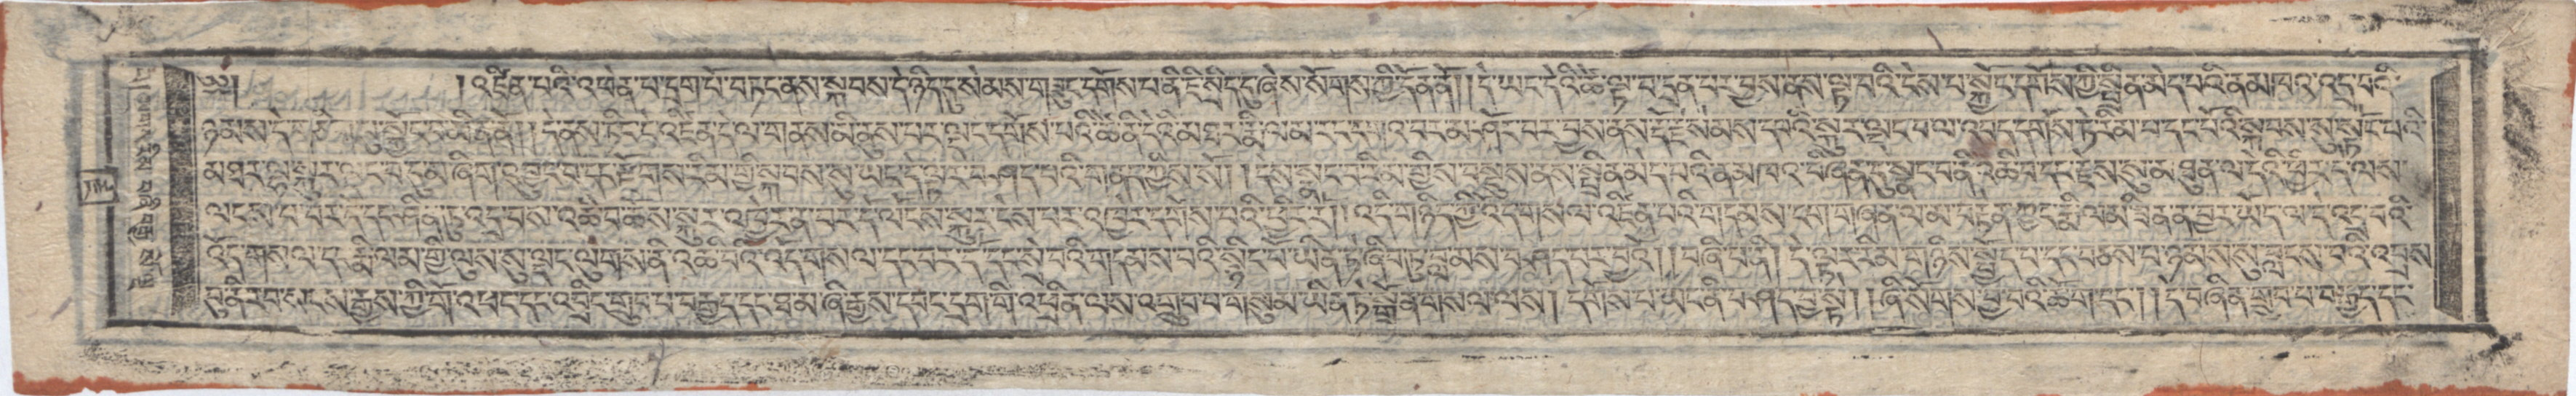༄༅། །འཛིན་པའི་འཕེན་པ་དྲག་པོ་བཏང་ནས་སྐབས་དེ་ཉིད་དུ་སེམས་གཟུང་དགོས་པ་ནི་ཇི་སྲིད་དུ་ཞེས་སོགས་ཀྱི་དོན་ནོ། །དེ་ཡང་དེའི་ཚེ་ལྟ་བ་དྲན་པར་བྱས་ནས་ལྟ་བའི་ངེས་པ་སྐྱོང་དགོས་ཀྱི་སྤྲིན་མེད་པའི་ནམ་མཁའ་འདྲ་བའི་
ཉམས་དེ་གཅིག་པུ་སྐྱོང་བ་མིན་ནོ། །དེ་ནས་ཏིང་ངེ་འཛིན་དེ་ལ་གནས་མི་ནུས་པར་ལྡང་དགོས་པའི་ཚེ་ནི་དེའི་མཐར་རྨི་ལམ་རང་དགའ་བར་མ་ཤོར་བར་བྱས་ནས་རྡོ་རྗེ་སེམས་དཔའི་སྐུར་ལྡང་བ་ལ་འབད་དགོས་ཏེ་རིམ་པ་དང་པོའི་སྐབས་སུ་སྟོང་པའི་
མཐར་ལྷ་སྐུར་ལྡང་བ་དུ་མ་ཞིག་འབྱུང་བ་དང་རྫོགས་རིམ་གྱི་སྐབས་སུ་ཡང་དེ་ལྟར་བཤད་པའི་གནད་ཀྱིས་སོ། །དེས་སྣང་བ་རིམ་གྱིས་བསྡུས་ནས་སྤྲིན་མེད་པའི་ནམ་མཁའ་བཞིན་དུ་སྣང་བ་ནི་འཆི་བ་དང་རྗེས་སུ་མཐུན་ལ་དེའི་ཕྱིར་དེ་ལས་
ལངས་པ་བར་དོ་དང་ཤིན་ཏུ་འདྲ་བས་འཆི་བ་ཆོས་སྐུར་འཁྱེར་ན་བར་དོ་ལོངས་སྐུར་ངེས་པར་འཁྱེར་དགོས་པའི་ཕྱིར་རོ། །འདི་གཉིད་ཀྱི་འོད་གསལ་འཛིན་པའི་གདམས་ངག་གཞན་ལ་མ་བརྟེན་ཀྱང་རྨི་ལམ་ཟིན་ན་བྱར་ཡོད་ལ་དེ་འདྲ་བའི་
འོད་གསལ་དང་རྨི་ལམ་གྱི་ལུས་སུ་ལྡང་ལུགས་ནི་འཆི་བའི་འོད་གསལ་དང་བར་དོ་དང་སྲེ་བའི་གདམས་པའི་སྙིང་པོ་ཡིན་ཏེ་ཞིབ་ཏུ་བླ་མས་བཤད་པར་བྱའོ། །བཞི་པ་ནི། དེ་ལྟར་རིམ་གཉིས་སྤྱོད་པ་དང་བཅས་པ་ཉམས་སུ་བླངས་པའི་འབྲས་
བུ་ནི་རབ་སངས་རྒྱས་ཀྱི་གོ་འཕང་དང་འབྲིང་གྲུབ་པ་བརྒྱད་དང་ཐ་མ་ཞི་རྒྱས་དབང་དྲག་གི་འཕྲིན་ལས་འགྲུབ་པ་གསུམ་ཡིན་ཏེ་སྒྲོན་གསལ་ལས། དགོས་པ་ཡང་ནི་བཤད་བྱ་སྟེ། །ཞི་སོགས་བྱ་བའི་ཆོ་ག་དང་། །དེ་བཞིན་གྲུབ་པ་བརྒྱད་དང་